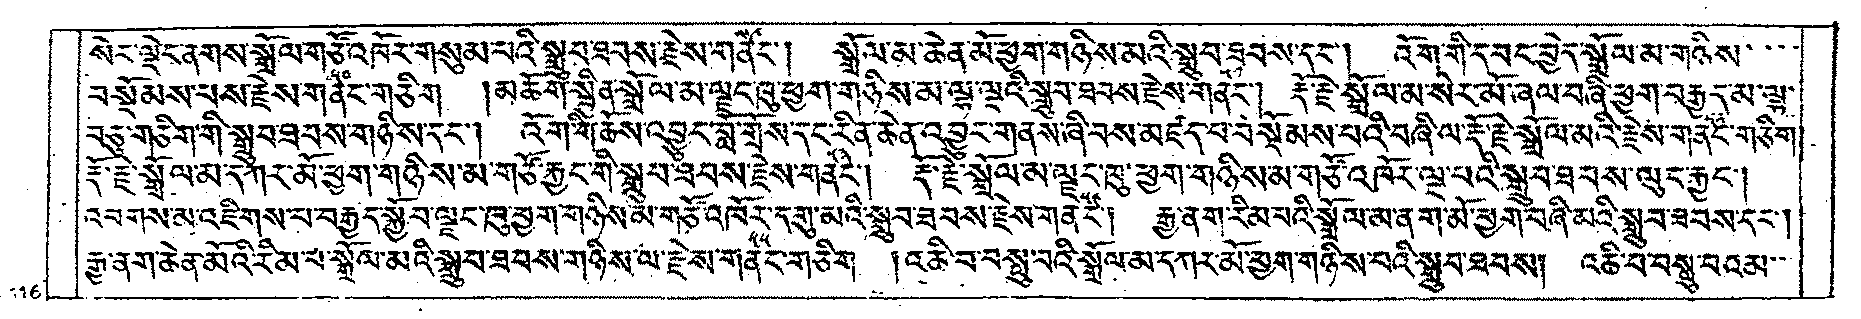སེང་ལྡེང་ནགས་སྒྲོལ་གཙོ་འཁོར་གསུམ་པའི་སྒྲུབ་ཐབས་རྗེས་གནང ༤༩། སྒྲོལ་མ་ཆེན་མོ་ཕྱག་གཉིས་མའི་སྒྲུབ་ཐབས་དང་། འོག་གི་དབང་བྱེད་སྒྲོལ་མ་གཉིས་
བསྡོམས་པས་རྗེས་གནང ༥༠་གཅིག །མཆོག་སྦྱིན་སྒྲོལ་མ་ལྗང་ཁུ་ཕྱག་གཉིས་མ་ལྷ་ལྔའི་སྒྲུབ་ཐབས་རྗེས་གནང ༥༡། རྡོ་རྗེ་སྒྲོལ་མ་སེར་མོ་ཞལ་བཞི་ཕྱག་བརྒྱད་མ་ལྷ་
བཅུ་གཅིག་གི་སྒྲུབ་ཐབས་གཉིས་དང་། འོག་གི་ཆོས་འབྱུང་བློ་གྲོས་དང་རིན་ཆེན་འབྱུང་གནས་ཞི་བས་མཛད་པ་བསྡོམས་པའི་བཞི་ལ་རྡོ་རྗེ་སྒྲོལ་མའི་རྗེས་གནང ༥༢་གཅིག །
རྡོ་རྗེ་སྒྲོལ་མ་དཀར་མོ་ཕྱག་གཉིས་མ་གཙོ་རྐྱང་གི་སྒྲུབ་ཐབས་རྗེས་གནང ༥༣། རྡོ་རྗེ་སྒྲོལ་མ་ལྗང་ཁུ་ཕྱག་གཉིས་མ་གཙོ་འཁོར་ལྔ་པའི་སྒྲུབ་ཐབས་ལུང་རྐྱང་།
འཕགས་མ་འཇིགས་པ་བརྒྱད་སྐྱོབ་ལྗང་ཁུ་ཕྱག་གཉིས་མ་གཙོ་འཁོར་དགུ་མའི་སྒྲུབ་ཐབས་རྗེས་གནང ༥༤། རྒྱ་ནག་རིམ་པའི་སྒྲོལ་མ་ནག་མོ་ཕྱག་བཞི་མའི་སྒྲུབ་ཐབས་དང་།
རྒྱ་ནག་ཆེན་མོའི་རིམ་པ་སྒྲོལ་མའི་སྒྲུབ་ཐབས་གཉིས་ལ་རྗེས་གནང ༥༥་གཅིག །འཆི་བ་བསླུ་བའི་སྒྲོལ་མ་དཀར་མོ་ཕྱག་གཉིས་པའི་སྒྲུབ་ཐབས། འཆི་བ་བསླུ་བའམ་